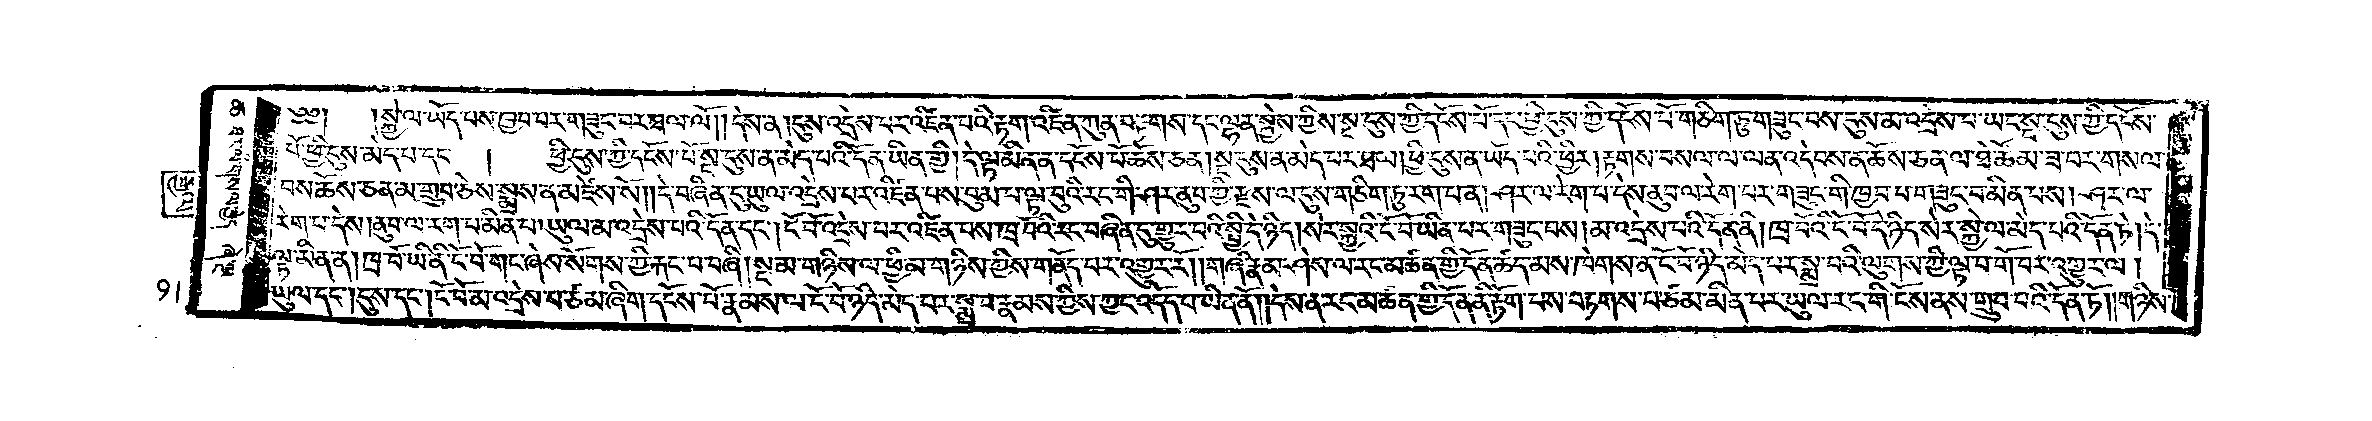༄༅། །སྐྱ་ལ་ཡོད་པས་ཁྱབ་པར་གཟུང་བར་ཐལ་ལོ། །དེས་ན། དུས་འདྲེས་པར་འཛིན་པའི་རྟག་འཛིན་ཀུན་བརྟགས་དང་ལྷན་སྐྱེས་ཀྱིས་སྔ་དུས་ཀྱི་དངོས་པོ་དང་ཕྱི་དུས་ཀྱི་དངོས་པོ་གཅིག་ཏུ་གཟུང་བས་དུས་མ་འདྲེས་པ་ཡང་སྔ་དུས་ཀྱི་དངོས་
པོ་ཕྱི་དུས་མེད་པ་དང་། ཕྱི་དུས་ཀྱི་དངོས་པོ་སྔ་དུས་ན་མེད་པའི་དོན་ཡིན་གྱི། དེ་ལྟ་མིན་ན་དངོས་པོ་ཆོས་ཅན། སྔ་དུས་ན་མེད་པར་ཐལ། ཕྱི་དུས་ན་ཡོད་པའི་ཕྱིར། རྟགས་བསལ་ལ་ལན་འདེབས་ན་ཆོས་ཅན་ལ་ཐེ་ཚོམ་ཟ་བར་གསལ་
བས་ཆོས་ཅན་མ་གྲུབ་ཅེས་སྨྲས་ན་མཛེས་སོ། །དེ་བཞིན་དུ་ཡུལ་འདྲེས་པར་འཛིན་པས་བུམ་པ་ལྟ་བུའི་རང་གི་ཤར་ནུབ་ཀྱི་རྫས་ལ་དུས་གཅིག་ཏུ་རག་པ་ན། ཤར་ལ་རེག་པ་དེས་ནུབ་ལ་རེག་པར་གཟུང་གི་ཁྱབ་པ་གཟུང་བ་མིན་པས། ཤར་ལ་
རེག་པ་དེས། ནུབ་ལ་རག་པ་མིན་པ། ཡུལ་མ་འདྲེས་པའི་དོན་དང་། ངོ་བོ་འདྲེས་པར་འཛིན་པས་ཁྲ་བོའི་རང་བཞིན་དུ་གྱུར་བའི་སྤྱི་དེ་ཉིད། སེར་སྐྱའི་ངོ་བོ་ཡིན་པར་གཟུང་བས། མ་འདྲེས་པའི་དོན་ནི། ཁྲ་བོའི་ངོ་བོ་དེ་ཉིད་སེར་སྐྱ་ལ་མེད་པའི་དོན་ཏེ། དེ་
ལྟ་མིན་ན། ཁྲ་བོ་ཡི་ནི་ངོ་བོ་གང་ཞེས་སོགས་ཀྱི་རྐང་པ་བཞི། སྔ་མ་གཉིས་ལ་ཕྱི་མ་གཉིས་ཀྱིས་གནོད་པར་འགྱུར་རོ། །གཞི་རྣམ་ཤེས་ལ་རང་མཚན་གྱི་དོན་ཚད་མས་ཁེགས་ན་ངོ་བོ་ཉིད་མེད་པར་སྨྲ་བའི་ལུགས་ཀྱི་ལྟ་བ་གོ་བར་འགྱུར་ལ།
ཡུལ་དང་། དུས་དང་། ངོ་བོ་མ་འདྲེས་པ་ཙམ་ཞིག་དངོས་པོ་རྣམས་ལ་ངོ་བོ་ཉིད་མེད་པར་སྨྲ་བ་རྣམས་ཀྱིས་ཀྱང་འདོད་པ་ཡིན་ནོ། །དེས་ན་རང་མཚན་གྱི་དོན་ནི་རྟོག་པས་བཏགས་པ་ཙམ་མིན་པར་ཡུལ་རང་གི་ངོས་ནས་གྲུབ་པའི་དོན་ཏོ། །གཉིས་